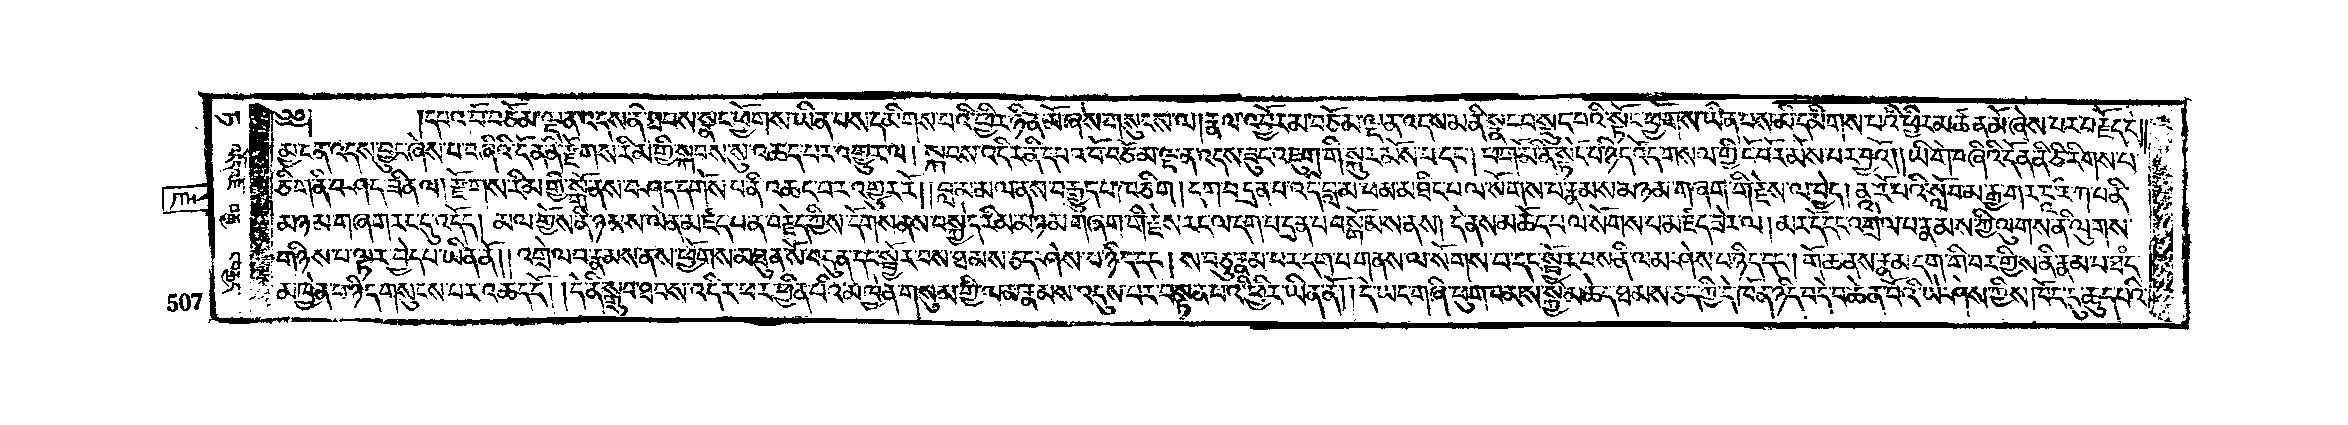༄༅། །དཔའ་བོ་བཅོམ་ལྡན་འདས་ནི་ཐབས་སྣང་ཕྱོགས་ཡིན་པས་དམིགས་པའི་ཕྱིར་ཉིན་མོ་ཞེས་གསུངས་ལ། རྣལ་འབྱོར་མ་བཅོམ་ལྡན་འདས་མ་ནི་སྣང་བ་སྡུད་པའི་སྟོང་ཕྱོགས་ཡིན་པས་མི་དམིགས་པའི་ཕྱིར་མཚན་མོ་ཞེས་པར་བརྗོད་དེ། །
མྱ་ངན་འདས་བྱུང་ཞེས་པ་བཞིའི་དོན་ནི་རྫོགས་རིམ་གྱི་སྐབས་སུ་འཆད་པར་འགྱུར་ལ། སྐབས་འདིར་ནི་དཔའ་བོ་བཅོམ་ལྡན་འདས་ཟུང་འཇུག་གི་སྐུར་མོས་པ་དང་། ཕག་མོ་ནི་སྟོང་པ་ཉིད་འོད་གསལ་གྱི་ངོ་བོར་མོས་པར་བྱའོ། །ཡི་གེ་བཞིའི་དོན་ནི་ཅི་རིགས་པ་
ཅིག་ནི་བཤད་ཟིན་ལ། རྫོགས་རིམ་གྱི་སྒོ་ནས་བཤད་དགོས་པ་ནི་འཆད་པར་འགྱུར་རོ། །བླ་མ་ལ་ནས་བརྒྱུད་པ་ཁ་ཅིག ། དག་པ་དྲན་པ་འདི་བླ་མ་ཕམ་མཐིང་པ་ལ་སོགས་པ་རྣམས་མཉམ་གཞག་གི་རྗེས་ལ་བྱེད། ནཱ་རོ་པའི་སློབ་མ་རྒྱ་གར་དཱ་རི་ཀ་པ་ནི་
མཉམ་གཞག་རང་དུ་འདོད། མལ་གྱོས་ནི་ཉམས་ལེན་མཛད་པ་ན་བརྗེད་ཀྱིས་དོགས་ནས་བསྐྱེད་རིམ་མཉམ་གཞག་གི་རྗེས་རང་ལ་དག་པ་དྲན་པ་བསྒོམས་ནས། དེ་ནས་མཆོད་པ་ལ་སོགས་པ་མཛད་ཟེར་ལ། མར་དོ་དང་འགྲེལ་པ་རྣམས་ཀྱི་ལུགས་ནི་ལུགས་
གཉིས་པ་ལྟར་བྱེད་པ་ཡིན་ནོ། །འགྲེལ་པ་རྣམས་ནས་ཕྱོགས་མཐུན་སོ་བདུན་དང་སྦྱོར་བས་ཐམས་ཅད་ཤེས་པ་ཉིད་དང་། ས་བཅུ་རྣམ་པར་དག་པ་གནས་ལ་སོགས་པ་དང་སྦྱོར་བས་ནི་ལམ་ཤེས་པ་ཉིད་དང་། གོ་ཆ་ནས་རྣམ་དག་གི་བར་གྱིས་ནི་རྣམ་པ་ཐམས་ཅད་
མཁྱེན་པ་ཉིད་གསུངས་པར་འཆད་དོ། །དེ་ནི་སྒྲུབ་ཐབས་འདིར་ཕར་ཕྱིན་པའི་མཁྱེན་གསུམ་གྱི་ལམ་རྣམས་འདུས་པར་བསྟན་པའི་ཕྱིར་ཡིན་ནོ། །དེ་ཡང་གཞི་ཕུང་ཁམས་སྐྱེ་མཆེད་ཐམས་ཅད་ཀྱི་དེ་ཁོ་ན་ཉིད་བདེ་བ་ཆེན་པོའི་ཡེ་ཤེས་ཀྱིས་ཁོང་དུ་ཆུད་པའི་